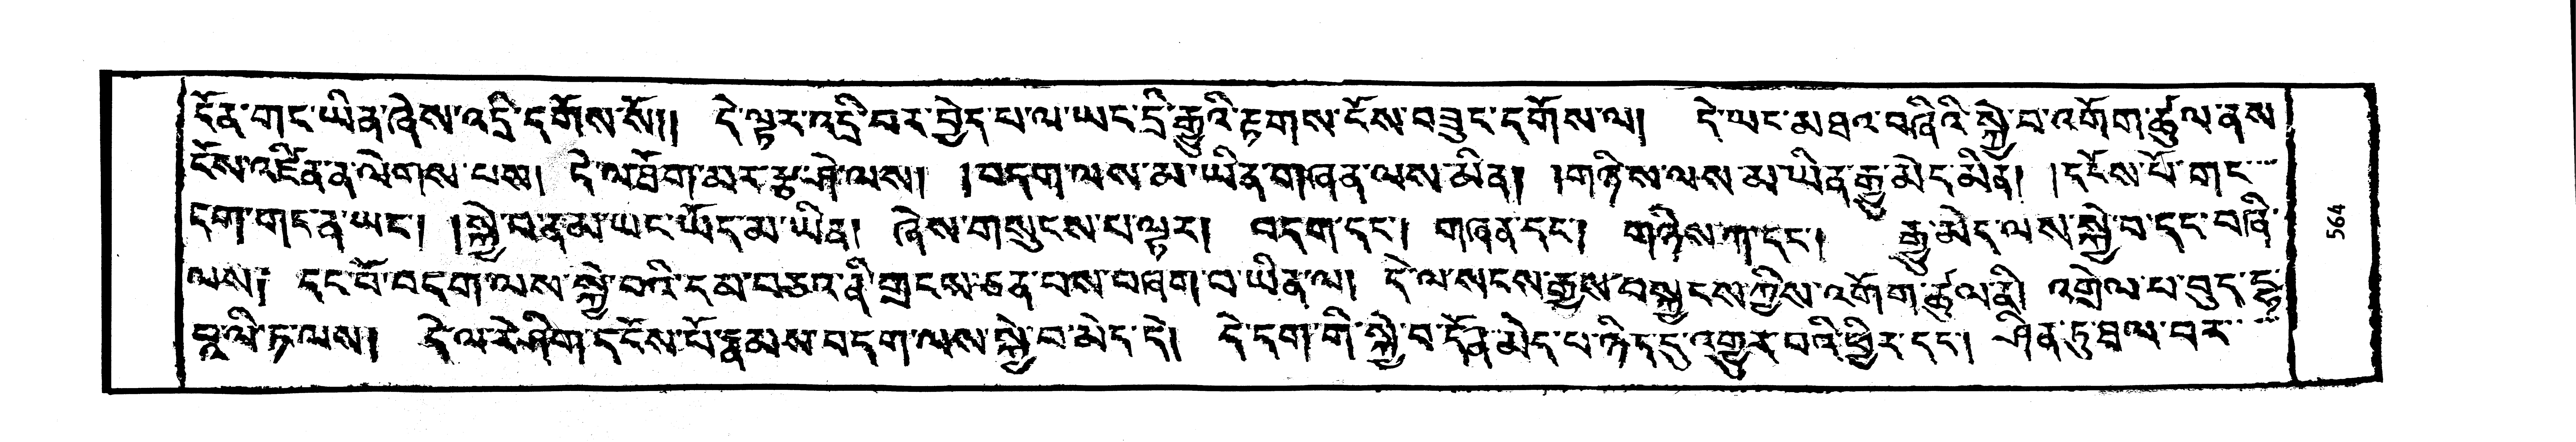་དོན་གང་ཡིན་ཞེས་འདྲི་དགོས་སོ། །དེ་ལྟར་འདྲི་བར་བྱེད་པ་ལ་ཡང་དྲི་རྒྱུའི་རྟགས་ངོས་བཟུང་དགོས་ལ། དེ་ཡང་མཐའ་བཞིའི་སྐྱེ་བ་འགོག་ཚུལ་ནས་
ངོས་འཛིན་ན་ལེགས་པས། དེ་ལ་ཐོག་མར་རྩ་ཤེ་ལས། །བདག་ལས་མ་ཡིན་གཞན་ལས་མིན། །གཉིས་ལས་མ་ཡིན་རྒྱུ་མེད་མིན། །དངོས་པོ་གང་
དག་གང་ན་ཡང་། །སྐྱེ་བ་ནམ་ཡང་ཡོད་མ་ཡིན། ཞེས་གསུངས་པ་ལྟར། བདག་དང་། གཞན་དང་། གཉིས་ཀ་དང་། རྒྱུ་མེད་ལས་སྐྱེ་བ་དང་བཞི་
ལས༑ དང་པོ་བདག་ལས་སྐྱེ་བའི་དམ་བཅའ་ནི་གྲངས་ཅན་པས་བཞག་པ་ཡིན་ལ། དེ་ལ་སངས་རྒྱས་བསྐྱངས་ཀྱིས་འགོག་ཚུལ་ནི། འགྲེལ་བ་བུད་དྷ་
པཱ་ལི་ཏ་ལས། དེ་ལ་རེ་ཤིག་དངོས་པོ་རྣམས་བདག་ལས་སྐྱེ་བ་མེད་དེ། དེ་དག་གི་སྐྱེ་བ་དོན་མེད་པ་ཉིད་དུ་འགྱུར་བའི་ཕྱིར་དང་། ཤིན་ཏུ་ཐལ་བར་